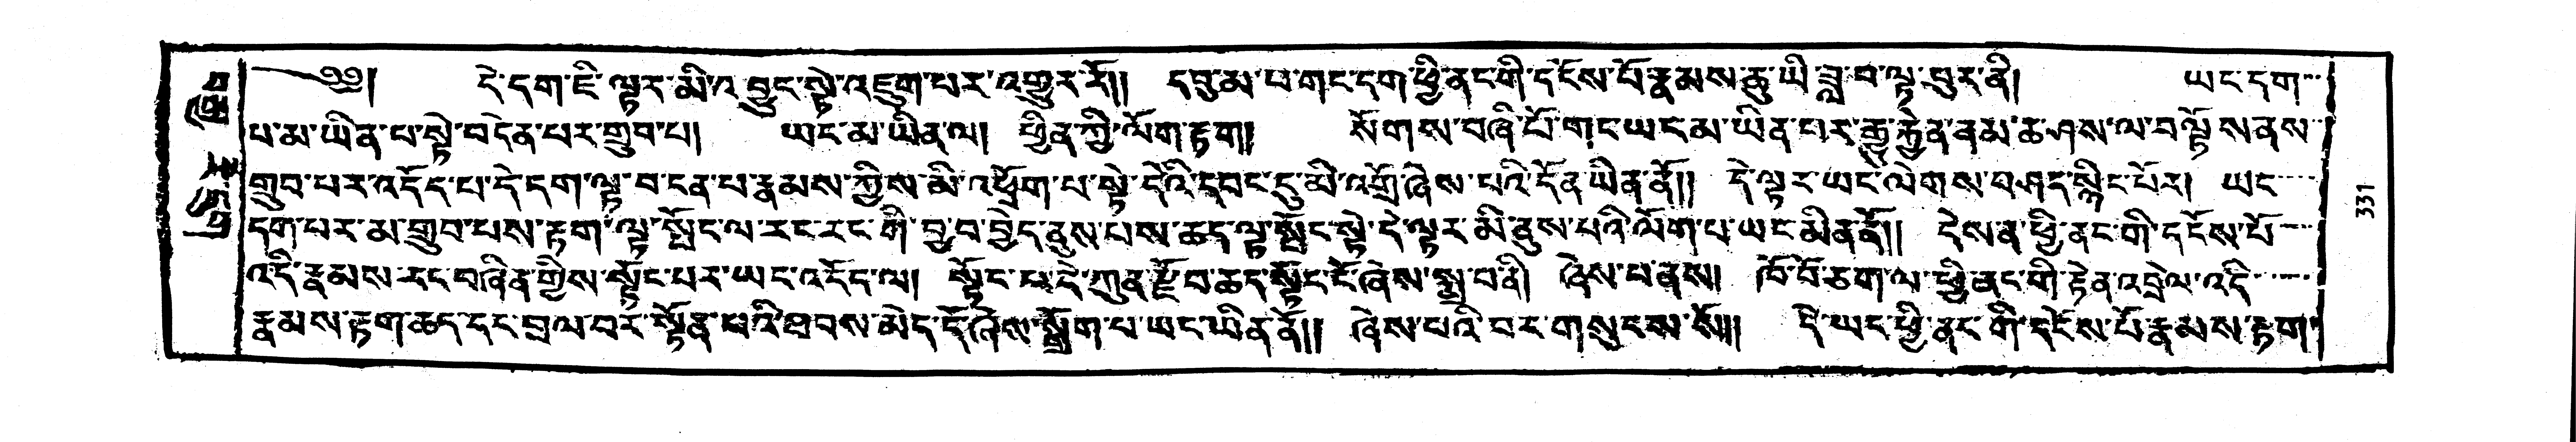༄༅། །དེ་དག་ཇི་ལྟར་མི་འབྱུང་སྟེ་འཇུག་པར་འགྱུར་རོ། །དབུ་མ་པ་གང་དག་ཕྱི་ནང་གི་དངོས་པོ་རྣམས་ཆུ་ཡི་ཟླ་བ་ལྟ་བུར་ནི། ཡང་དག་
པ་མ་ཡིན་པ་སྟེ་བདེན་པར་གྲུབ་པ། ཡང་མ་ཡིན་ལ། ཕྱིན་ཀྱི་ལོག་རྟག། སོགས་བཞི་པོ་གང་ཡང་མ་ཡིན་པར་རྒྱུ་རྐྱེན་ནམ་ཆ་ཤས་ལ་བལྟོས་ནས་
གྲུབ་པར་འདོད་པ་དེ་དག་ལྟ་བ་ངན་པ་རྣམས་ཀྱིས་མི་འཕྲོག་པ་སྟེ་དེའི་དབང་དུ་མི་འགྲོ་ཞེས་པའི་དོན་ཡིན་ནོ། །དེ་ལྟར་ཡང་ལེགས་བཤད་སྙིང་པོར། ཡང་
དག་པར་མ་གྲུབ་པས་རྟག་ལྟ་སྤོང་ལ་རང་རང་གི་བྱ་བ་བྱེད་ནུས་པས་ཆད་ལྟ་སྤོང་སྟེ་དེ་ལྟར་མི་ནུས་པའི་ལོག་པ་ཡང་མིན་ནོ། །དེས་ན་ཕྱི་ནང་གི་དངོས་པོ་
འདི་རྣམས་རང་བཞིན་གྱིས་སྟོང་པར་ཡང་འདོད་ལ། སྟོང་པ་དེ་ཀུན་རྫོབ་ཆད་སྟོང་ངོ་ཞེས་སྨྲ་བ་ནི། ཞེས་པ་ནས། ཁོ་བོ་ཅག་ལ་ཕྱི་ནང་གི་རྟེན་འབྲེལ་འདི་
རྣམས་རྟག་ཆད་དང་བྲལ་བར་སྟོན་པའི་ཐབས་མེད་དོ་ཞེས་སྒྲོག་པ་ཡང་ཡིན་ནོ། །ཞེས་པའི་བར་གསུངས་སོ། །དེ་ཡང་ཕྱི་ནང་གི་དངོས་པོ་རྣམས་རྟག་